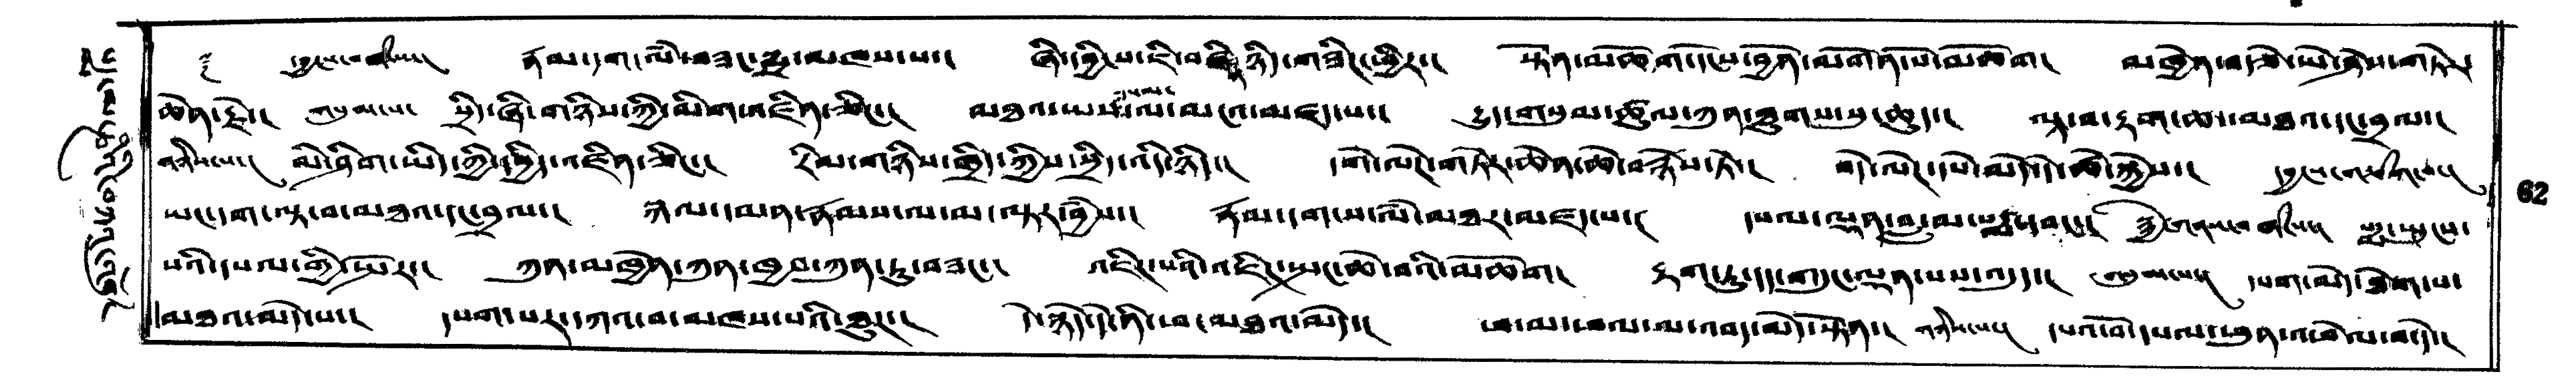དབྱངས་བཞི་པ། རྣམ་དག་ལམ་བཟང་སྨྲ་མཁས་པ། །ཞི་དབྱིངས་ཇི་བཞིན་ཉིད་གཟིགས་ཕྱིར། །སྟོན་མཆོག་དངོས་བྱོན་མགོན་པོ་མཆོག མཁྱེན་བརྩེ་ཡེ་ཤེས་གཏེར་
ཆེན་རྗེ། ། གསུམ་པ། སྲིད་ཞི་གཉིས་ཀྱི་མིག་འཛིན་ཅིང་། །མཐའ་ཡས་དཔལ་ལ་མངའ་མཛད་པ། །བརྒྱུད་གསུམ་ཚུལ་ཀུན་ཐུགས་སུ་ཆུད། །ལྟ་བ་རྟག་ཆད་མཐའ་དང་བྲལ། ། 
གཉིས་པ། མི་ཤིག་ཡིད་ཀྱི་དབྱིག་འཛིན་ཅིང་། །རིམ་གཉིས་ཁྲིད་ཀྱིས་སྲིད་འདི་ཉིད། །དགེ་ལེགས་གཏེར་ཆེན་ས་མཆོག་བརྙེས་ཏེ། །བདེ་ལེགས་དཔེ་མེད་དེ་ཚེ་སྐྱེས། ། དབྱངས་གཅིག་པ། 
ཡང་དག་ལྟ་བ་མཐའ་དང་བྲལ། །སྐལ་དམན་རྣམས་ལ་མ་ལྟར་བྱམས། །རྣམ་དག་ས་ལམ་མཐར་མཛད་པ། །དཔལ་ལྡན་བླ་མ་པདྨ་དབང་། ། སྐྱེ་གནས་བཞི་པ། པདྨ་སྤུངས་
པའི་དཔལ་གྱི་སྤོར། ། ཀུན་མཁྱེན་ཀུན་ཁྱབ་ཀུན་ཏུ་བཟང་། །འཇིགས་པའི་འཇིགས་སྤང་ཆེ་བའི་མཆོག །རྟག་ཏུ་དད་གདུང་ལྡན་པས་འདུད། ། གསུམ་པ། དཔག་མེད་ཐེག་པ་
མཐའ་མེད་པ། །དཔག་པར་དཀའ་བ་མཁས་པའི་ཐུགས། །དེ་སྙེད་དེ་ནི་ཕ་མཐའ་མེད། །ཕ་མ་ཕལ་ལ་འབད་མེད་སྟོན། ། གཉིས་པ། དཔའ་བོ་དཔལ་ཕུན་འཕེལ་བ་དེ།